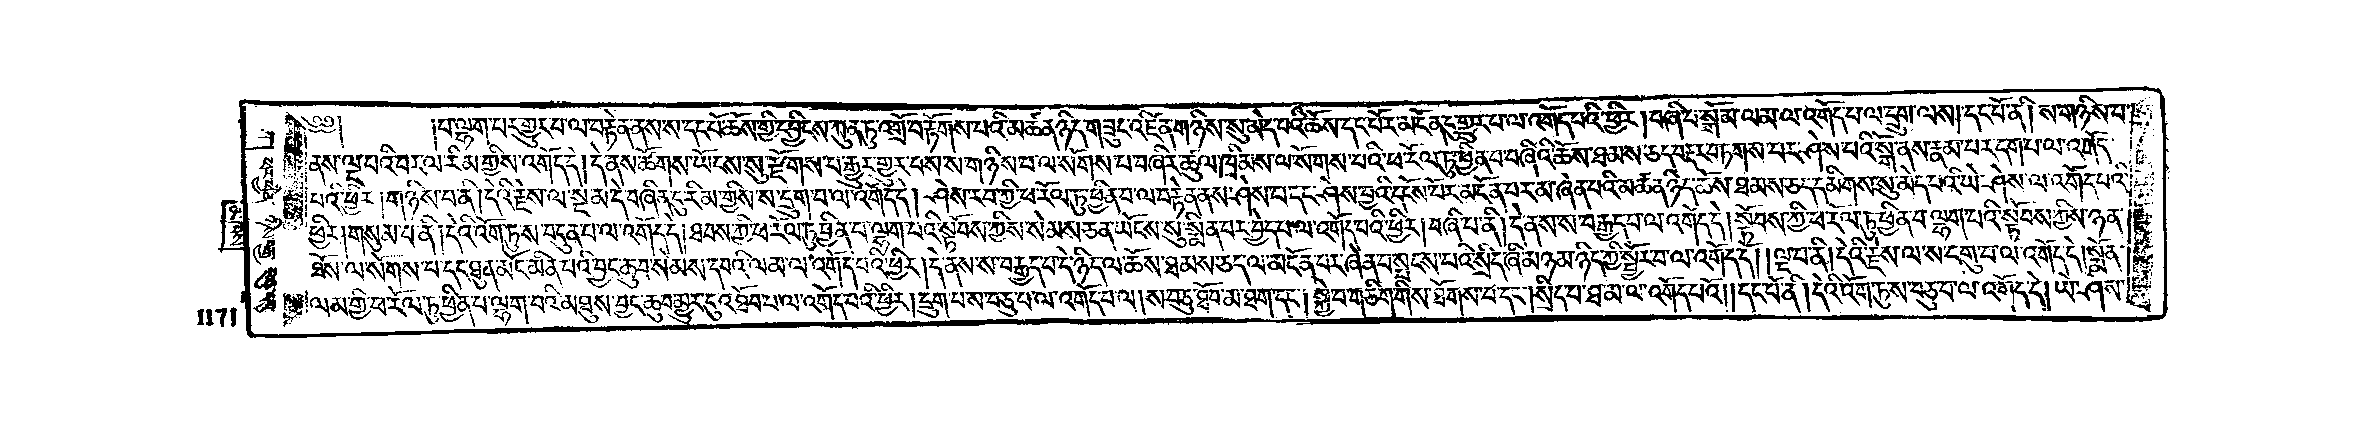༄༅། །པ་ལྷག་པར་གྱུར་པ་ལ་བརྟེན་ནས་ས་དང་པོ་ཆོས་གྱི་དབྱིངས་ཀུན་ཏུ་འགྲོ་བ་རྟོགས་པའི་མཚན་ཉིད་གཟུང་འཛིན་གཉིས་སུ་མེད་པའི་ཆོས་དང་པོར་མངོན་དུ་གྱུར་པ་ལ་འགོད་པའི་ཕྱིར། བཞི་པ་སྒོམ་ལམ་ལ་འགོད་པ་ལ་དྲུག་ལས། དང་པོ་ནི། ས་གཉིས་པ་
ནས་ལྔ་པའི་བར་ལ་རིམ་གྱིས་འགོད་དེ། དེ་ནས་ཚོགས་ཡོངས་སུ་རྫོགས་པ་རྒྱུར་གྱུར་པས་ས་གཉིས་པ་ལ་སོགས་པ་བཞིར་ཚུལ་ཁྲིམས་ལ་སོགས་པའི་ཕ་རོལ་ཏུ་ཕྱིན་པ་བཞིའི་ཆོས་ཐམས་ཅད་བརྡ་རབ་ཏགས་པར་ཤེས་པའི་སྒོམ་ནས་རྣམ་པར་དག་པ་ལ་འགོད་
པའི་ཕྱིར། གཉིས་པ་ནི། དེའི་རྗེས་ལ་སྔ་མ་དེ་བཞིན་དུ་རིམ་གྱིས་ས་དྲུག་པ་ལ་འགོད་དེ། ཤེས་རབ་ཀྱི་ཕ་རོལ་ཏུ་ཕྱིན་པ་ལ་བརྟེན་ནས་ཤེས་པ་དང་ཤེས་བྱའི་དངོས་པོར་མངོན་པར་མ་ཞེན་པའི་མཚན་ཉིད་ཆོས་ཐམས་ཅད་དམིགས་སུ་མེད་པའི་ཡེ་ཤེས་ལ་འགོད་པའི་
ཕྱིར། གསུམ་པ་ནི། དེའི་འོག་ཏུ་ས་བདུན་པ་ལ་འགོད་དེ། ཐབས་ཀྱི་ཕ་རོལ་ཏུ་ཕྱིན་པ་ལྷག་པའི་སྟོབས་ཀྱིས་སེམས་ཅན་ཡོངས་སུ་སྨིན་པར་བྱེད་པ་ལ་འགོད་པའི་ཕྱིར། བཞི་པ་ནི། དེ་ནས་ས་བརྒྱད་པ་ལ་འགོད་དེ། སྟོབས་ཀྱི་ཕ་རོལ་ཏུ་ཕྱིན་པ་ལྷག་པའི་སྟོབས་ཀྱི་ཉན་
ཐོས་ལ་སོགས་པ་དང་ཐུན་མོང་མིན་པའི་བྱང་ཆུབ་སེམས་དཔའི་ལམ་ལ་འགོད་པའི་ཕྱིར། དེ་ནས་ས་བརྒྱད་པ་དེ་ཉིད་ལ་ཆོས་ཐམས་ཅད་ལ་མངོན་པར་ཞེན་པ་སྤངས་པའི་སྲིད་ཞི་མཉམ་ཉིད་ཀྱི་སྦྱོར་བ་ལ་འགོད་དོ། །ལྔ་པ་ནི། དེའི་རྗེས་ལ་ས་དགུ་པ་ལ་འགོད་དེ། སྨོན་
ལམ་གྱི་ཕ་རོལ་ཏུ་ཕྱིན་པ་ལྷག་པའི་མཐུས་བྱང་ཆུབ་མྱུར་དུ་འཐོབ་པ་ལ་འགོད་པའི་ཕྱིར། དྲུག་པ་ས་བཅུ་པ་ལ་འགོད་པ་ལ། ས་བཅུ་ཐོབ་མ་ཐག་དང་། སྐྱེ་བ་གཅིག་གིས་ཐོགས་བ་དང་། སྲིད་པ་ཐ་མ་ལ་འགོད་པའོ། །དང་པོ་ནི། དེའི་འོག་ཏུ་ས་བཅུ་པ་ལ་འགོད་དེ། ཡེ་ཤེས་